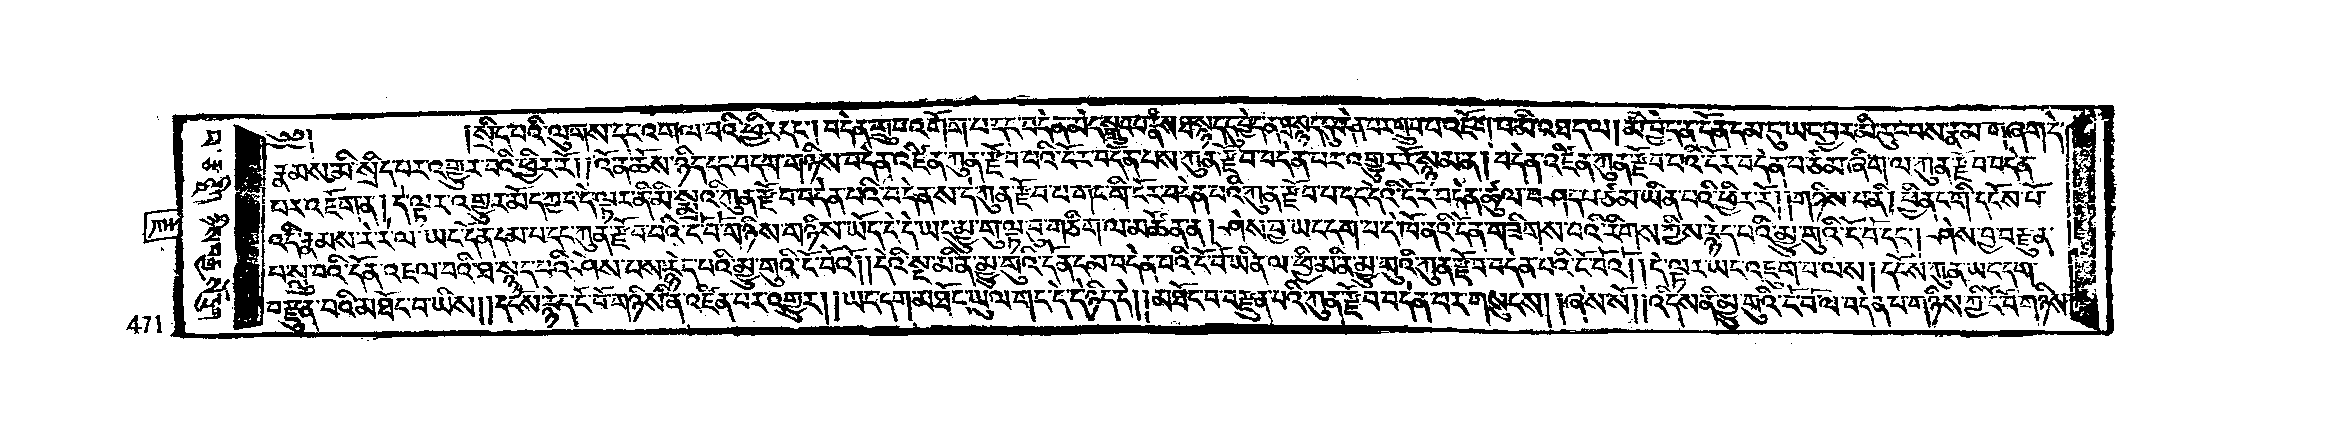༄༅། །སྲིད་པའི་ལུགས་དང་འགལ་བའི་ཕྱིར་དང་། བདེན་གྲུབ་འགོག་པ་དང་བདེན་མེད་སྒྲུབ་པ་རྣཾས་ཐ་སྙད་དུ་བྱེད་ན་ཐ་སྙད་དུ་བདེན་པར་གྲུབ་པ་འཇོག་པ་མི་འཐད་ལ། མི་བྱེད་ན་དོན་དམ་དུ་ཡང་བྱར་མི་རུང་བས་རྣམ་གཞག་དེ་
རྣམས་མི་སྲིད་པར་འགྱུར་བའི་ཕྱིར་རོ། །འོ་ན་ཆོས་ཉིད་དང་བདག་གཉིས་བདེན་འཛིན་ཀུན་རྫོབ་པའི་ངོར་བདོན་པས་ཀུན་རྫོབ་བདེན་པར་འགྱུར་རོ་སྙམ་ན། བདེན་འཛིན་ཀུན་རྫོབ་པའི་ངོར་བདེན་པ་ཙམ་ཞིག་ལ་ཀུན་རྫོབ་བདེན་
པར་འཇོག་ན། དེ་ལྟར་འགྱུར་མོད་ཀྱང་དེ་ལྟར་ནི་མི་སྨྲའི་ཀུན་རྫོབ་བདེན་པའི་བདེན་ས་དེ་ཀུན་རྫོབ་པ་གང་གི་ངོར་བདེན་པའི་ཀུན་རྫོབ་པ་དང་དེའི་ངོར་བདེན་ཚུལ་བཤད་པ་ཙམ་ཡིན་པའི་ཕྱིར་རོ། །གཉིས་པ་ནི། ཕྱི་ནང་གི་དངོས་པོ་
འདི་རྣམས་རེ་རེ་ལ་ཡང་དོན་དམ་པ་དང་ཀུན་རྫོབ་པའི་ངོ་བོ་གཉིས་གཉིས་ཡོད་དེ་དེ་ཡང་མྱུ་གུ་ལྟ་བུ་གཅིག་ལ་མཚོན་ན། ཤེས་བྱ་ཡང་དག་པ་དེ་ཁོ་ནའི་དོན་གཟིགས་པའི་རིགས་ཀྱིས་རྙེད་པའི་མྱུ་གུའི་ངོ་བོ་དང་། ཤེས་བྱ་བརྫུན་
པ་སླུ་བའི་དོན་འཇལ་བའི་ཐ་སྙད་པའི་ཤེས་པས་རྙེད་པའི་མྱུ་གུའི་ངོ་བོའོ། །དེའི་སྔ་མ་ནི་མྱུ་གུའི་དོན་དམ་བདེན་པའི་ངོ་བོ་ཡིན་ལ་ཕྱི་མ་ནི་མྱུ་གུའི་ཀུན་རྫོབ་བདེན་པའི་ངོ་བོའོ། །དེ་ལྟར་ཡང་འཇུག་པ་ལས། དངོས་ཀུན་ཡང་དག་
བརྫུན་པའི་མཐོང་བ་ཡིས། །དངོས་རྙེད་ངོ་བོ་གཉིས་ནི་འཛིན་པར་འགྱུར། །ཡང་དག་མཐོང་ཡུལ་གང་དེ་དེ་ཉིད་དེ། །མཐོང་བ་བརྫུན་པའི་ཀུན་རྫོབ་བདེན་པར་གསུངས། །ཞེས་སོ། །འདིས་ནི་མྱུ་གུའི་ངོ་བོ་ལ་བདེན་པ་གཉིས་ཀྱི་ངོ་བོ་གཉིས་